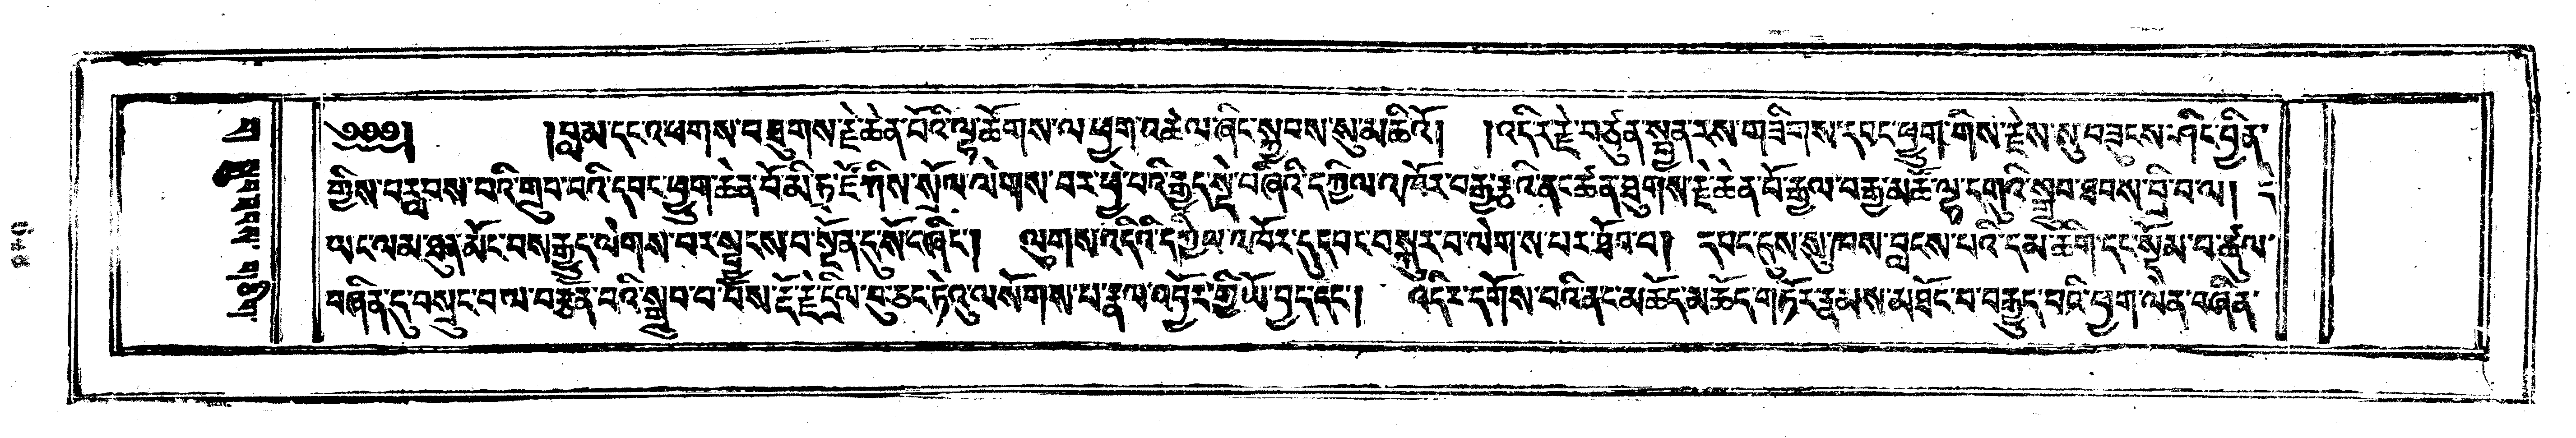༄༅༅། །བླ་མ་དང་འཕགས་བ་ཐུགས་རྗེ་ཆེན་པོའི་ལྷ་ཆོགས་ལ་ཕྱག་འཆེལ་ཞིང་སྐྱབས་སུ་མཆིའོ། །འདིར་རྗེ་བཙུན་སྤྱན་རས་གཟིགས་དབང་ཕྱུག་གིས་རྗེས་སུ་བཟུངས་ཤིང་བྱིན་
གྱིས་བརླབས་བའི་གྲུབ་བའི་དབང་ཕྱུག་ཆེན་པོ་མི་ཏྲ་ཛོ་ཀིས་སྲོལ་ལེགས་བར་ཕྱེ་པའི་རྒྱུད་སྡེ་བཞིའི་དཀྱིལ་འཁྲོ་བརྒྱ་རྩའི་ནང་ཚན་ཐུགས་རྗེ་ཆེན་པོ་རྒྱལ་བརྒྱ་མཚོ་ལྷ་དགུའི་སྒྲུབ་ཐབས་བྲི་བ་ལ། དེ་
ཡང་ལམ་ཐུན་མོང་བས་རྒྱུད་ལེགས་བར་སྦྱངས་བ་སྔོན་དུ་སོང་ཞིང་། ལུགས་འདིའི་དཀྱིལ་འཁོར་དུ་དབང་བསྐུར་བ་ལེགས་པར་ཐོབ་བ། དབང་དུས་སུ་ཁས་བླངས་པའི་དམ་ཆིག་དང་སྡོམ་པ་ཚུལ་བཞིན་དུ་བསྲུང་བ་ལ་བརྩོན་བའི་སྒྲུབ་བ་བོས་རྡོ་རྗེ་དྲིལ་བུ་ཅང་ཏེའུ་ལ་སོགས་པ་རྣལ་འབྱོར་གྱི་ཡོ་བྱད་དང་། འདིར་དགོས་བའི་ནང་མཆོད་མཆོད་གཏོར་རྣམས་མཐོང་བ་བརྒྱུད་བའི་ཕྱག་ལེན་བཞིན་